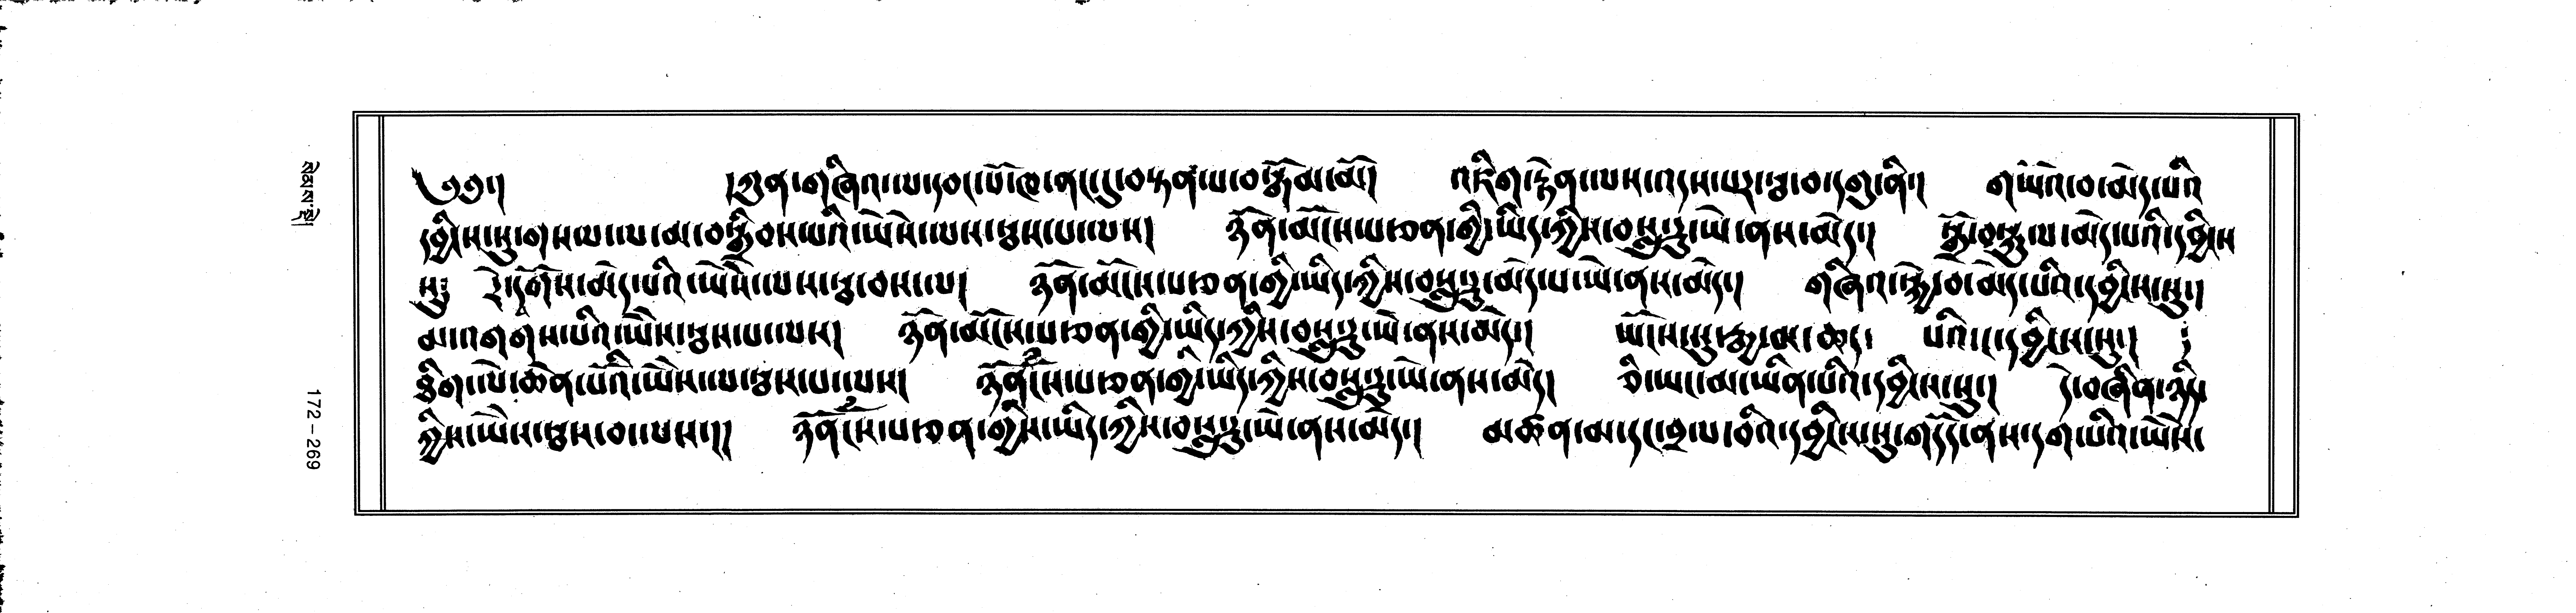དབང་པོ་ཁ་ནང་དུ་བསྟན་པ་བསྒོམ་མོ། འཇིག་རྟེན་ལས་འདས་པར་སྦ་བ་དགུ་ནི། གཡོའ་བ་མེད་པའི་
དབྱིངས་སུ་གསལ་ལ་མ་བསྒྲིབས་པའི་ཡེ་ཤེས་ལས་སྦས་པ་ལས། ཉོན་མོངས་པ་ཅན་གྱི་ཡིད་ཀྱིས་བསླུ་རུ་ཡེ་ནས་མེད། སྒྲོ་བསྐུར་མེད་པའི་དབྱིངས་
སུ། རེ་དོགས་མེད་པའི་ཡེ་ཤེས་ལས་སྦ་བས་ལ། ཉོན་མོངས་པ་ཅན་གྱི་ཡིད་ཀྱིས་བསླུ་རུ་མེད་པ་ཡེ་ནས་མེད། གཞིའ་སྐྱེ་བ་མེད་པའི་དབྱིངས་སུ། 
མ་འགགས་པའི་ཡེ་ཤེས་སྦས་པ་ལས། ཉོན་མོངས་པ་ཅན་གྱི་ཡིད་ཀྱིས་བསླུ་རུ་ཡེ་ནས་མེད། ཡོངས་སུ་རྒྱ་མ་ཆད་པའི་དབྱིངས་སུ།
ཐིག་ལེ་ཆེན་པོའི་ཡེ་ཤེས་ལ་སྦས་པ་ལས། ཉོན་མོངས་པ་ཅན་གྱི་ཡིད་ཀྱིས་བསླུ་རུ་ཡེ་ནས་མེད། ཅི་ཡང་མ་ཡིན་པའི་དབྱིངས་སུ། དེ་བཞིན་ཉིད་
ཀྱིས་ཡེ་ཤེས་སྦས་པ་ལས། ཉོན་མོངས་པ་ཅན་གྱིས་ཡིད་ཀྱིས་བསླུ་རུ་ཡེ་ནས་མེད། མཚན་མ་དང་བྲལ་བའི་དབྱིངས་སུ་གདོད་ནས་དག་པའི་ཡེ་ཤེས་